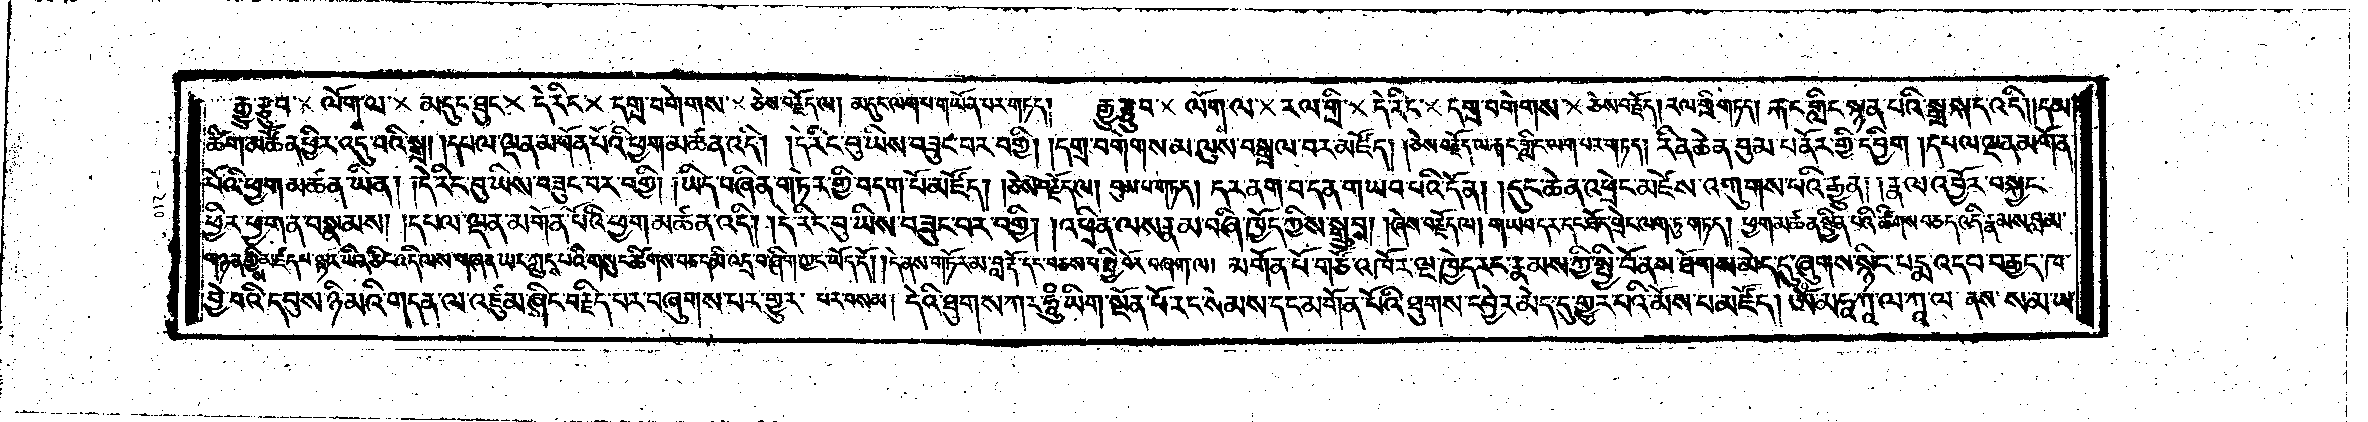རྒྱུ་རྩུབ་྾་ལོག་ལ་྾་མདུང་ཐུང་྾་དེ་རིང་྾་དགྲ་བགེགས྾་ཅེས་བརྗོད་ལ། མདུང་ལག་པ་གཡོན་པར་གཏད།  རྒྱུ་རྩུབ་྾་ལོགས་ལ་྾་རལ་གྲི་྾་དེ་རིང་྾་དགྲ་བགེགས་྾་ཅེས་བརྗོད། རལ་གྲི་གཏད། དཀར་གླིང་སྙན་པའི་སྒྲ་སྐད་འདི། །དམ་
ཚིག་མཚོན་ཕྱིར་འདུ་བའི་སྒྲ། །དཔལ་ལྡན་མགོན་པོའི་ཕྱག་མཚན་འདི། །དེ་རིང་བུ་ཡིས་བཟུང་བར་བགྱི། །དགྲ་བགེགས་མ་ལུས་བསྒྲལ་བར་མཛོད། །ཅེས་བརྗོད་ལ་རྐང་གླིང་ལག་པར་གཏད།  རིན་ཆེན་བུམ་བ་ནོར་གྱི་དབྱིག །དཔལ་ལྡན་མགོན་
པོའི་ཕྱག་མཚན་ཡིན། །དེ་རིང་བུ་ཡིས་བཟུང་བར་བགྱི། །ཡིད་བཞིན་གཏེར་གྱི་བདག་པོ་མཛོད། །ཅེས་བརྗོད་ལ། བུམ་པ་གཏད།  དར་ནག་པ་དང་གཡབ་པའི་དོན། །དུང་ཆེན་འཕྲེང་མཛེས་འགུགས་པའི་རྒྱུན། །རྣལ་འབྱོར་བསྐྱང་
ཕྱིར་ཕྱག་ན་བསྣམས། །དཔལ་ལྡན་མགོན་པོའི་ཕྱག་མཚན་འདི། །དེ་རིང་བུ་ཡིས་བཟུང་བར་བགྱི། །འཕྲིན་ལས་རྣམས་བཞི་ཁྱོད་ཀྱིས་སྒྲུབས། །ཞེས་བརྗོད་ལ། གཡབ་དར་དང་ཐོད་ཕྲེང་ལག་ཏུ་གཏད། ཕྱག་མཚན་སྦྱིན་བའི་ཚིགས་བཅད་འདི་རྣམས་བླ་མ་
གཉན་གྱིས་མཐོད་ལ་ལྟར་ཡིན་ཅིང་འདི་ལས་གཞན་ཡང་ཀླུངས་པའི་གསུང་ཚིགས་བཅད་མི་འདྲ་བ་ཞིག་ཀྱང་ཡོད་དོ། །དེ་ནས་གཏོར་མ་བླ་རྡོ་དང་བཅས་པ་སྤྱི་བོར་བཞག་ལ། མགོན་པོ་གཙོ་འཁོར་ལྔ་ཁྱེད་རང་རྣམས་ཀྱི་སྤྱི་བོ་ནས་ཐོགས་མེད་དུ་ཞུགས་སྙིང་པདམ་འདབ་བརྒྱད་ཁ་
བྱེ་བའི་དབུས་ཉི་མའི་གདན་ལ་འཛུམ་ཞིང་བརྗིད་པར་བཞུགས་པར་གྱུར་བར་བསམ།  དེའི་ཐུགས་ཀར་ཧཱུཾ་ཡིག་སྔོན་པོ་རང་སེམས་དང་མགོན་པོའི་ཐུགས་དབྱེར་མེད་དུ་གྱུར་པའི་མོས་བ་མཛོད། ཨོཾ་མཧཱ་ཀཱ་ལ་ཀཱ་ལ་ནས་ས་མ་ཡ་